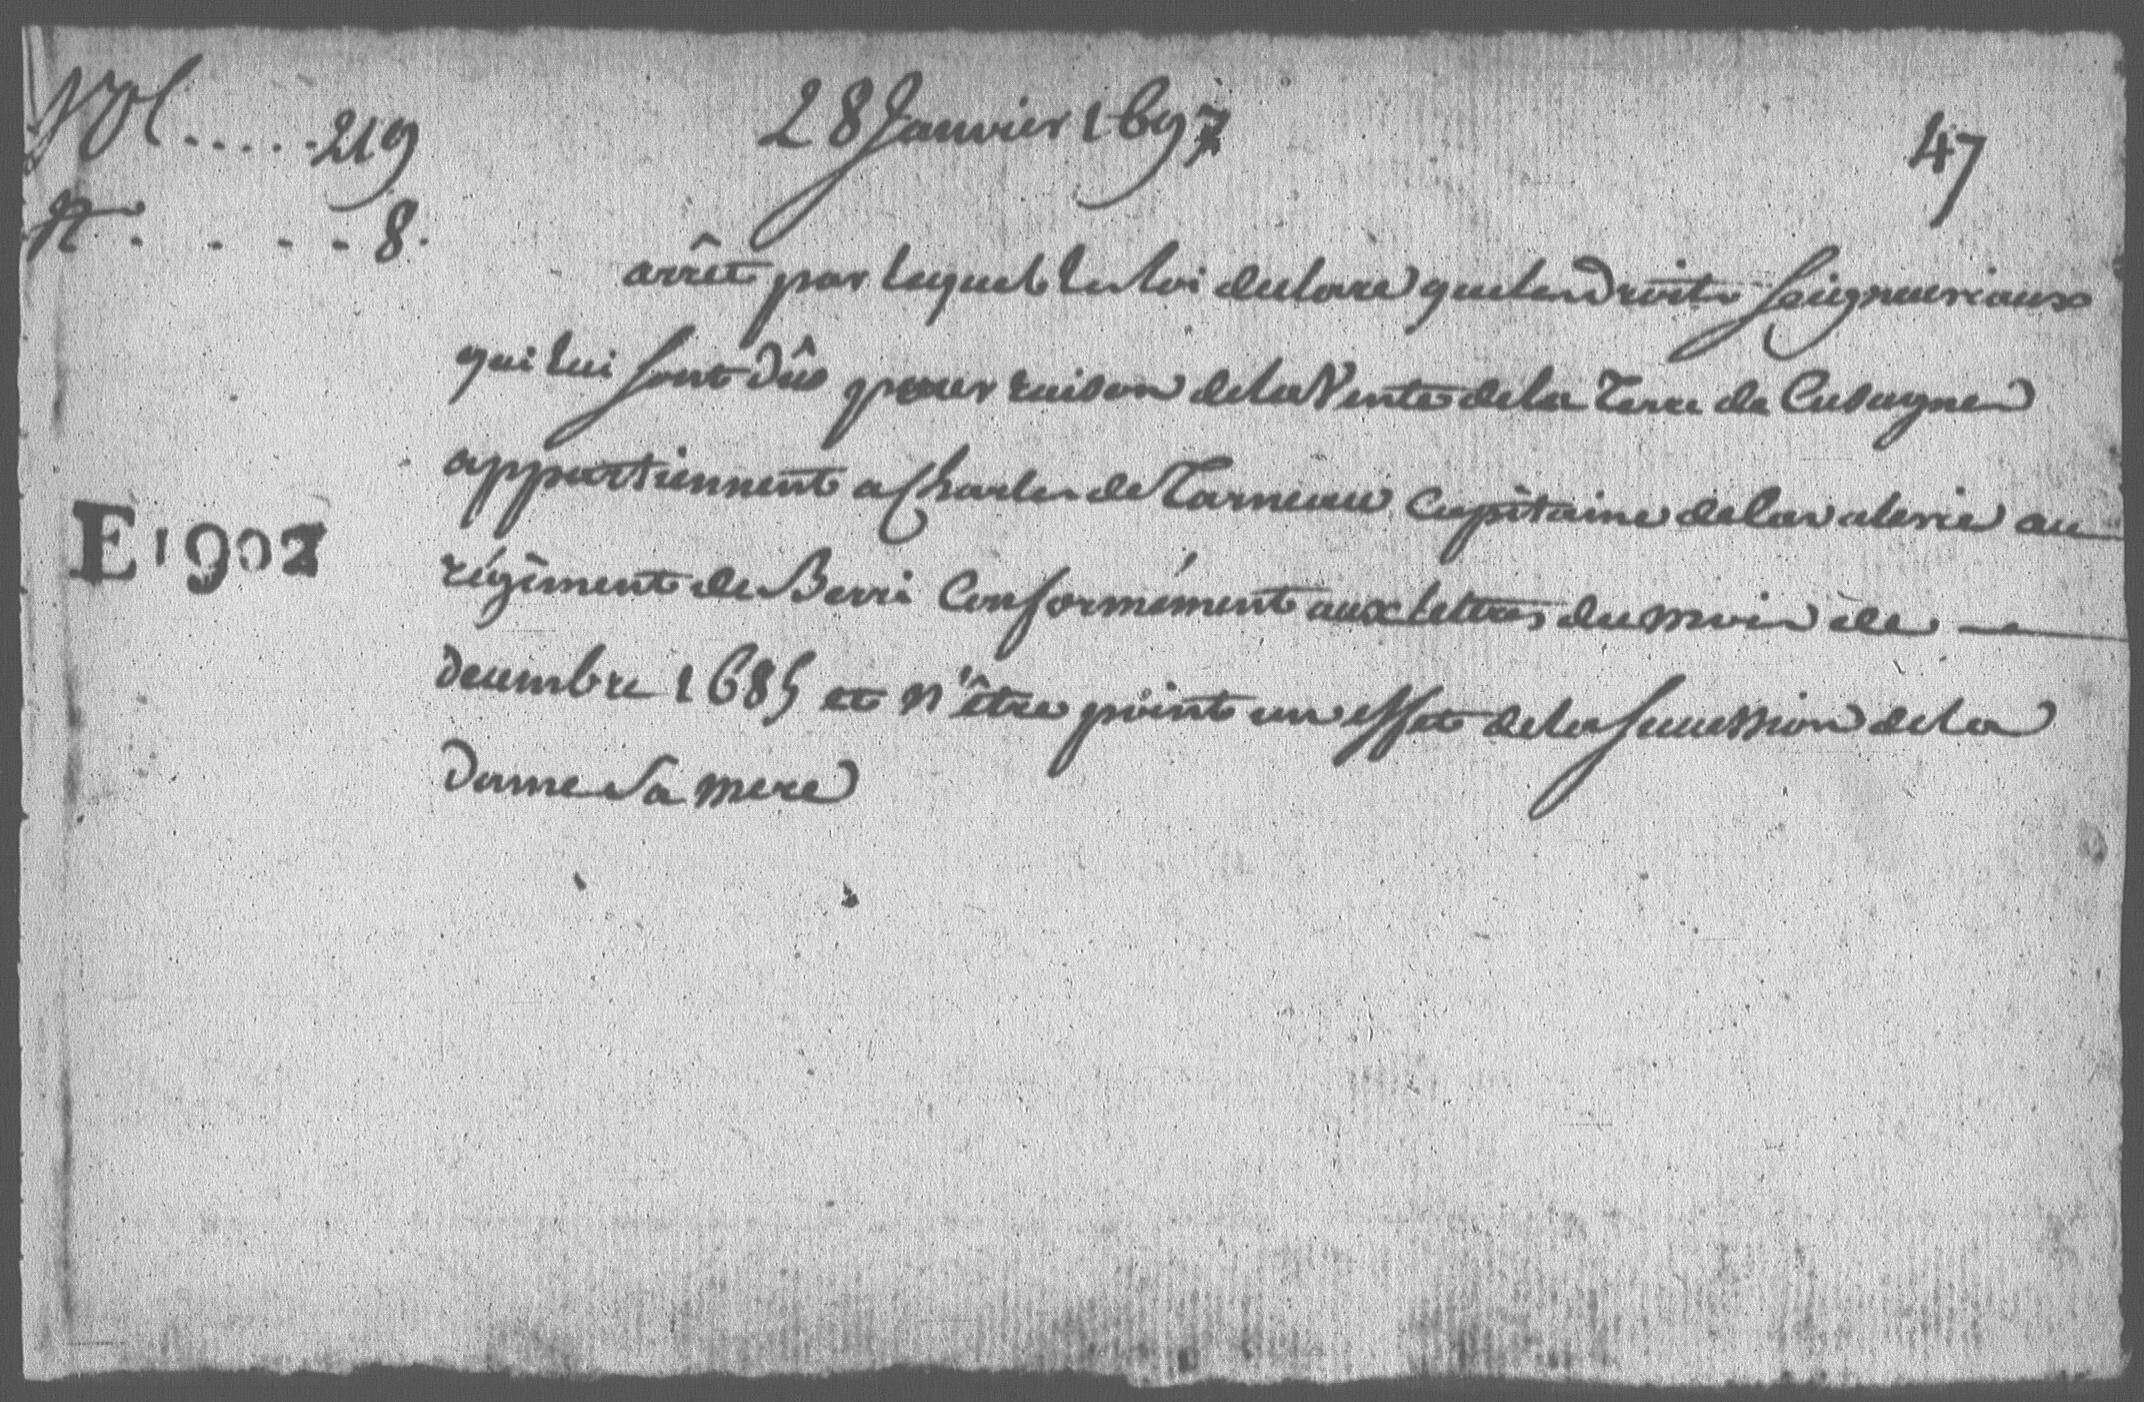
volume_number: n°8
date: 28 janvier 1697
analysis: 47
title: arrêt par lequel les loi du lare que les droits seigneuriaux qui lui sont dus pour raison de la Vente de la Terre de Cusugnes appartiennent a Charles de Tarneau capitaine de la valerie au régiment de Berré conformément aux lettres du mois de decmbre 1685 et n'être point un effet de la feccession de la dame sa mere
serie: E
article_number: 1902
